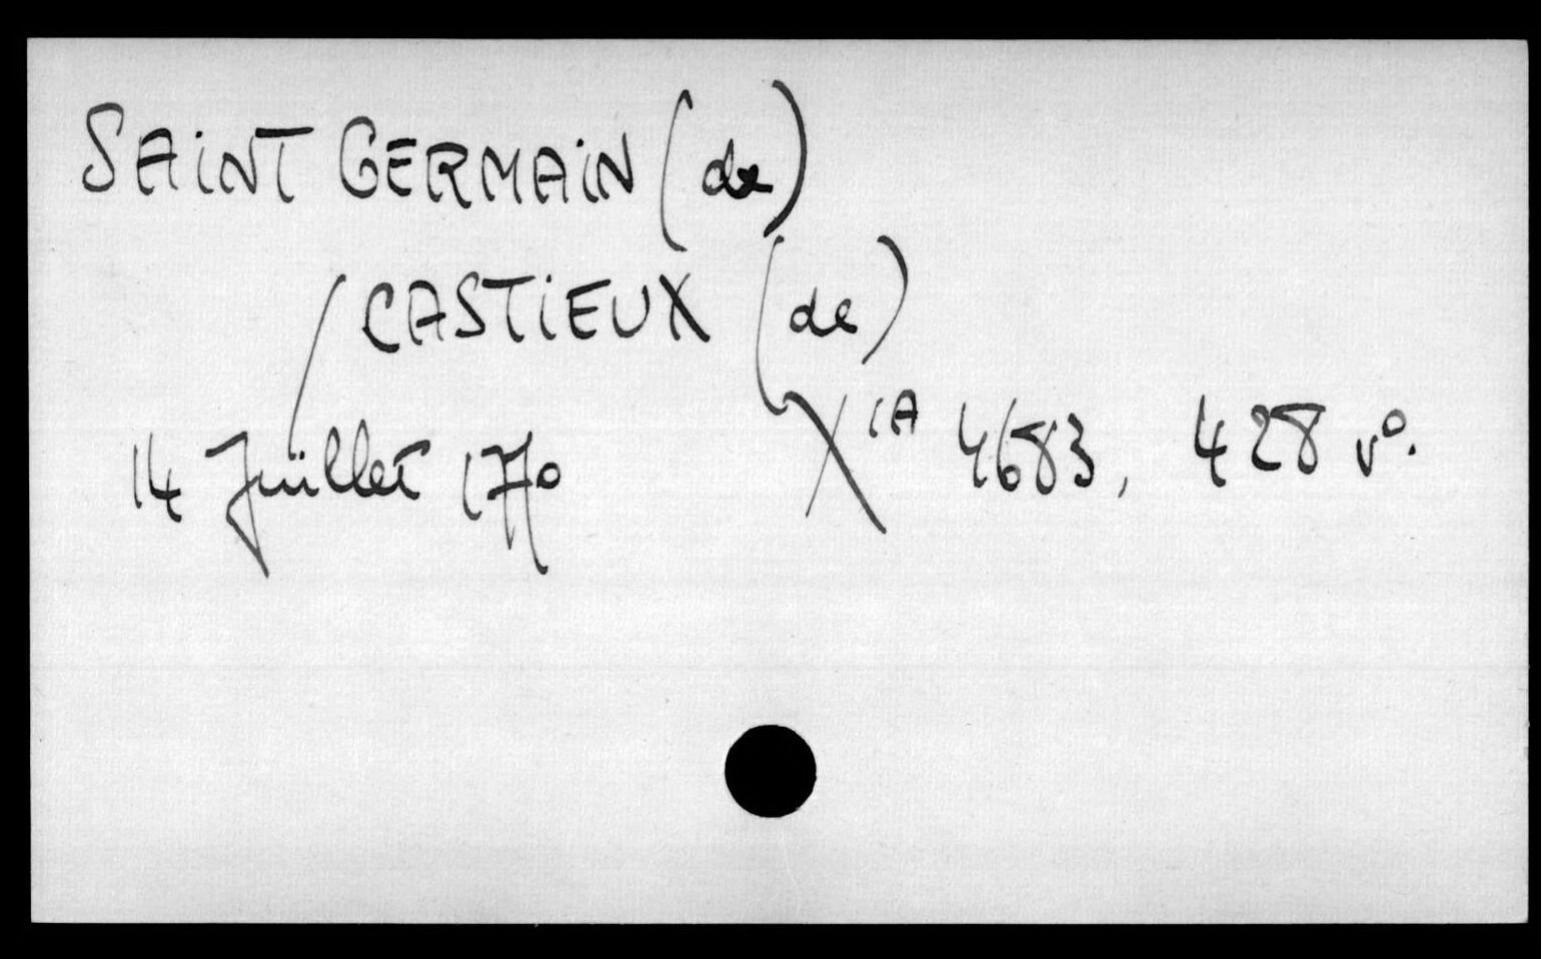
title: SAINT GERMAIN (de)
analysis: Contre CASTIEUX (de)
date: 14 juillet 1770
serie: X1A
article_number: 4683
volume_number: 428v
